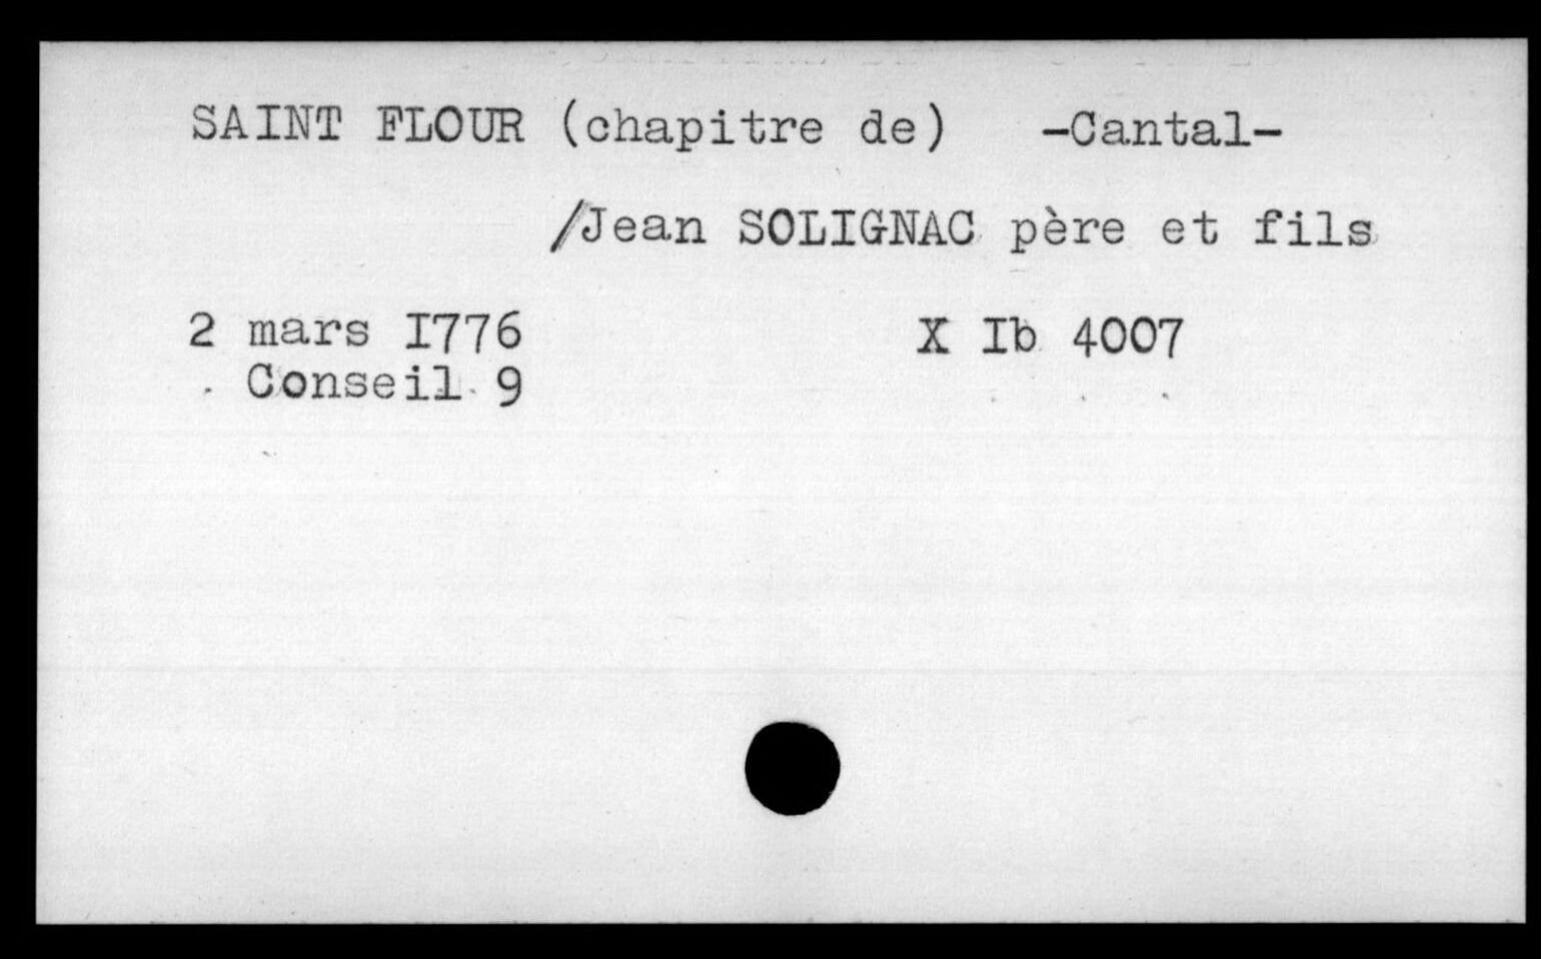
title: SAINT FLOUR (Chapitre de) - Cantal -
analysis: Contre Jean SOLIGNAC père et Fils
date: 2 mars 1776
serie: X1b
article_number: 4007
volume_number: Conseil 9
